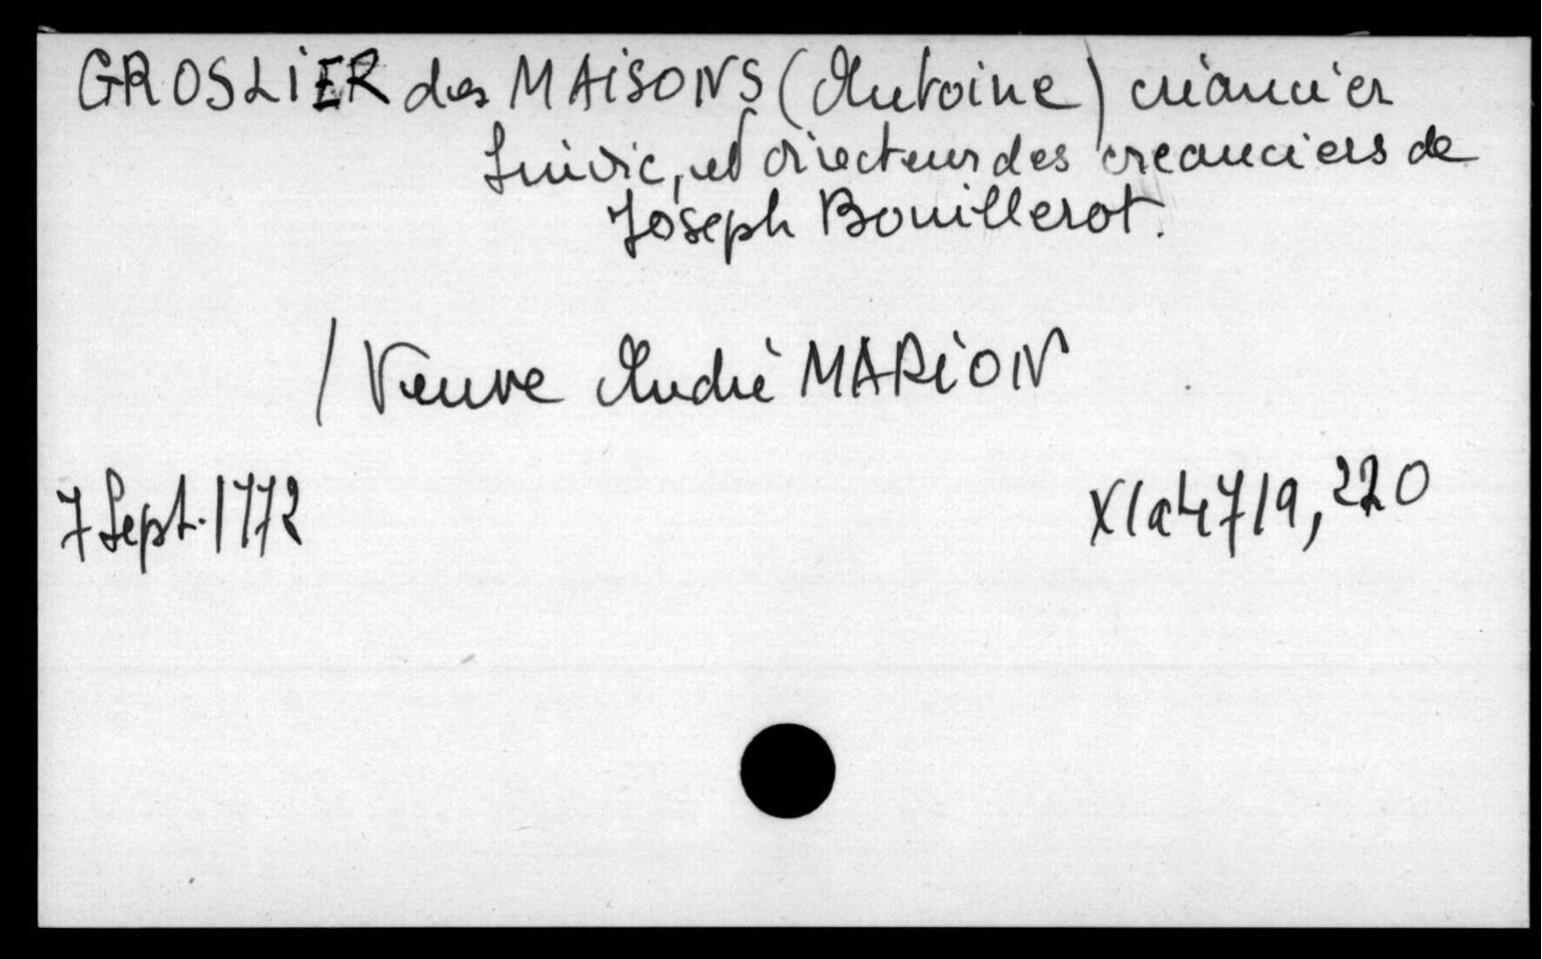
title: GROSLIER des MAISONS (Antoine) créancier sindic, et directeur des créanciers de Joseph Bouillerot
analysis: Contre Veuve André MARION
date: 7 septembre 1772
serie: X1a
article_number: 4719
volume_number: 220
